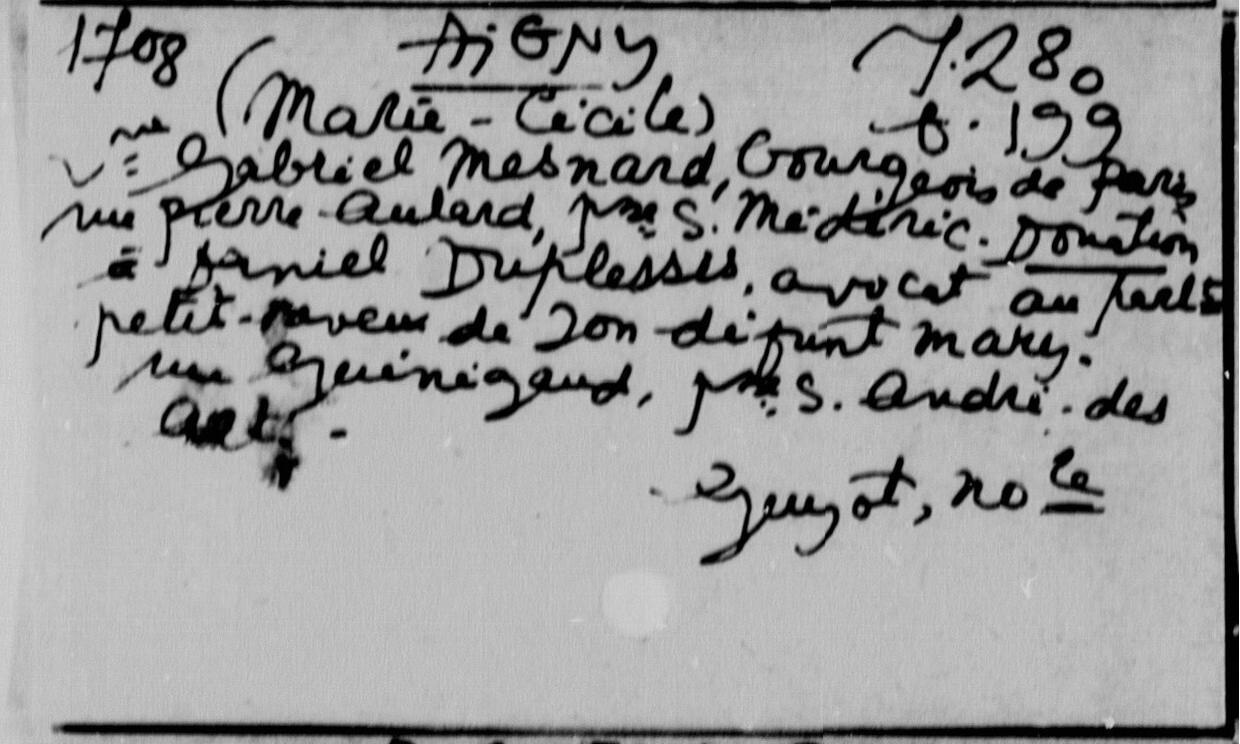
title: AIGNY (Marie-Cécile)
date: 1708
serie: Y
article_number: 280
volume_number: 199
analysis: Veuve Gabriel MESNARD, bourgeois de Paris, rue Pierre-Aulard, paroisse Saint-Médéric. Donation à Daniel DUPLESSIS, avocat au Parlement, petit-neveu de son défunt mary. Rue Guénégaud, paroisse Saint-André-des-Arts. Guyot, notaire.
